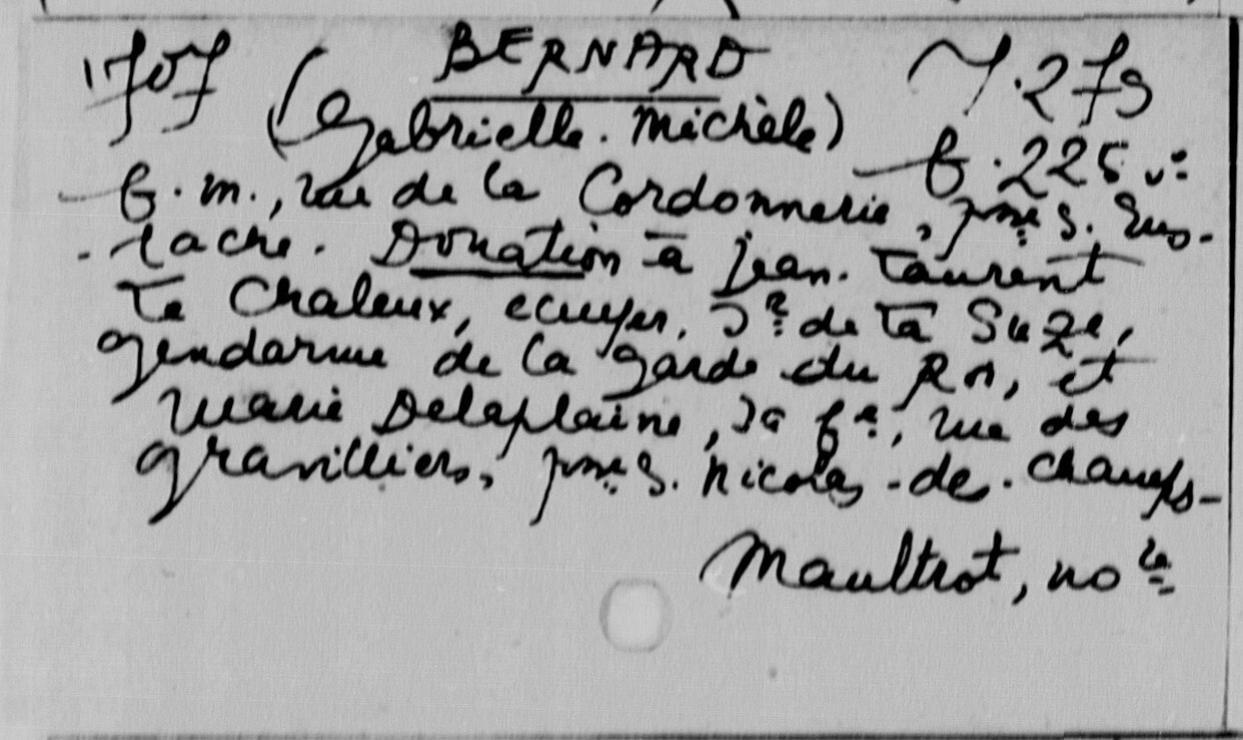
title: BERNARD (Gabrielle-Michèle)
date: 1707
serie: Y
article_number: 279
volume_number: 225v
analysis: Fille majeure, rue de la Cordonnerie, paroisse Saint-Eustache. Donation à Jean-Laurent le Chaleux, écuyer, seigneur de la Suze, gendarme de la garde du Roi, et Marie Delaplaine, sa femme, rue des Granvilliers, paroisse Saint-Nicolas-des-Champs. Maultrot, notaire.
